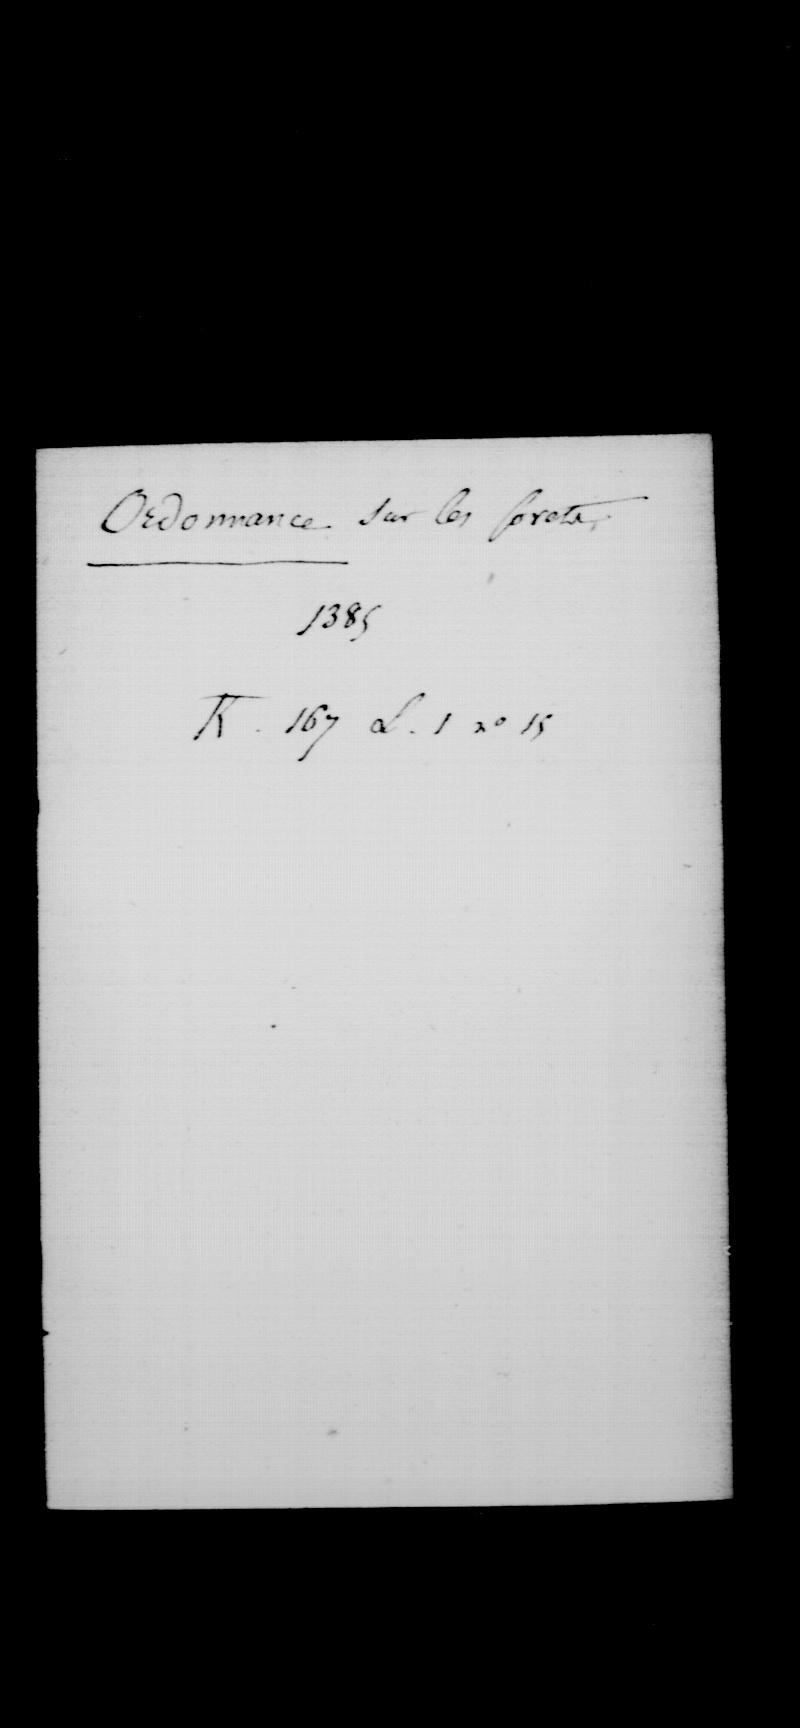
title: Ordonnance sur les forêts
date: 1385
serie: K
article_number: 167
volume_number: liasse 1 n° 15
